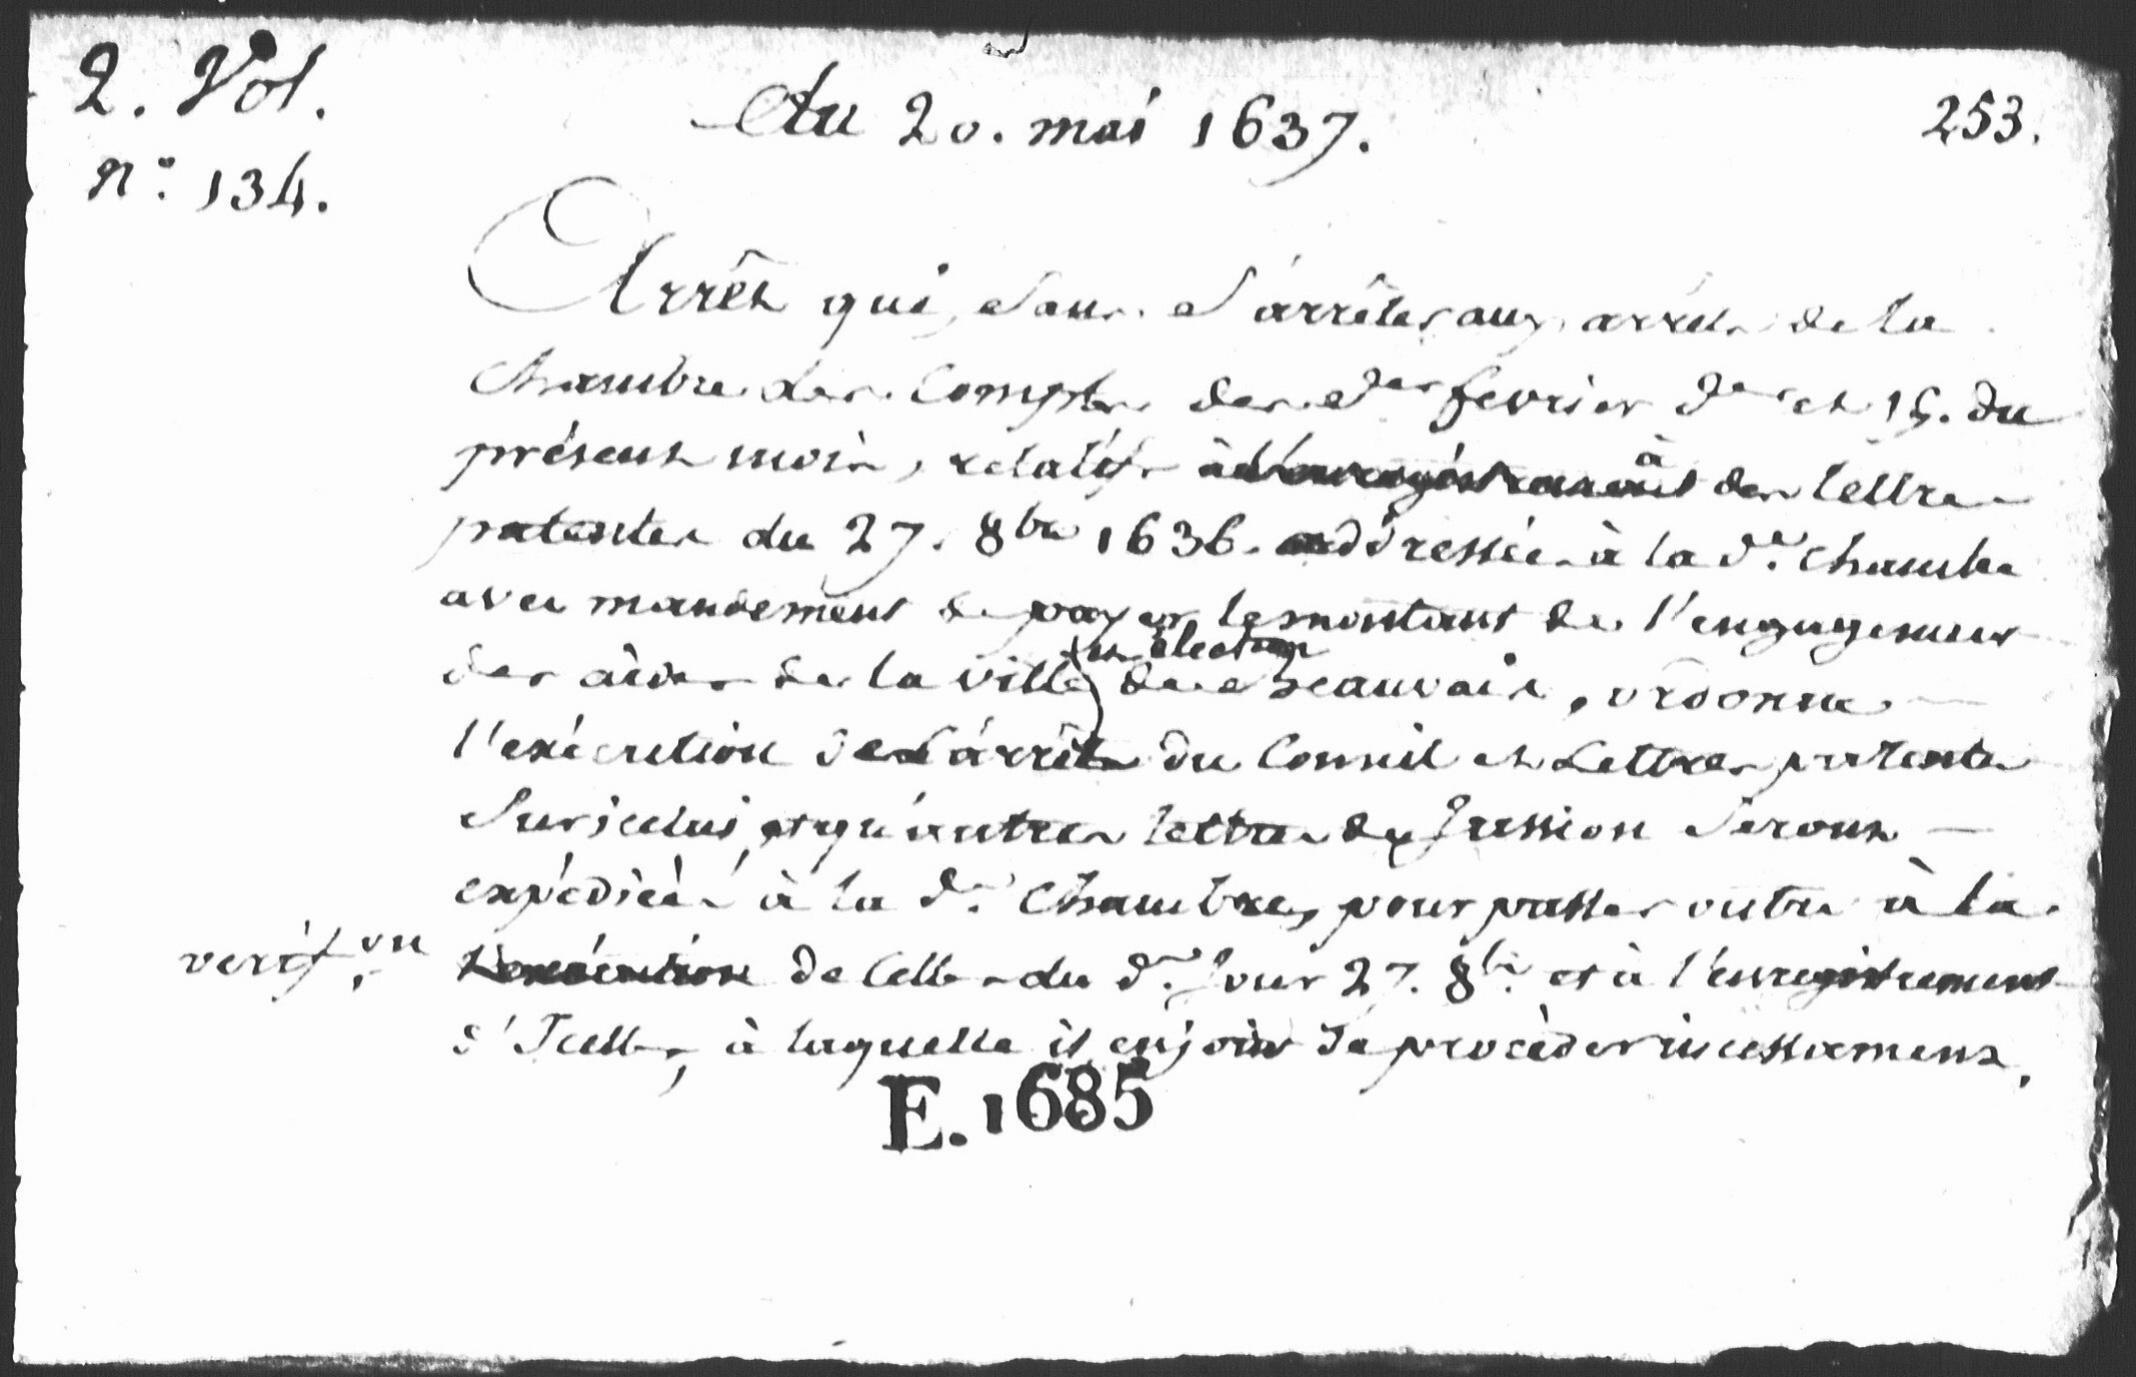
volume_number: n°134
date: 20 mai 1637
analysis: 253
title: Arrêt qui, sans s'arrêter aux arrêts de la chambre des comptes des der fevrier der et 15. du présent mois, relatifs [à l'enregistrement, mots barrés] à des lettres patentes du 27. 8bre 1636 adressée à lad.e chambre avec mandement de payer le montant de l'engagement des aides de la ville et election de Beauvais, ordonne l'exécution des arrêt du Conseil et lettres patentes sur icelui et qu'autres lettres de jussion seront expédiées à la d.e chambre, pour passer outre à la verif.on [l'exécution, mots barrés] de celles du d.t jour 27 octobre et à l'enregistrement d'icelles, à laquelle il enjoint de procéder incessament.
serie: E
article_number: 1685
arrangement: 2. vol.
